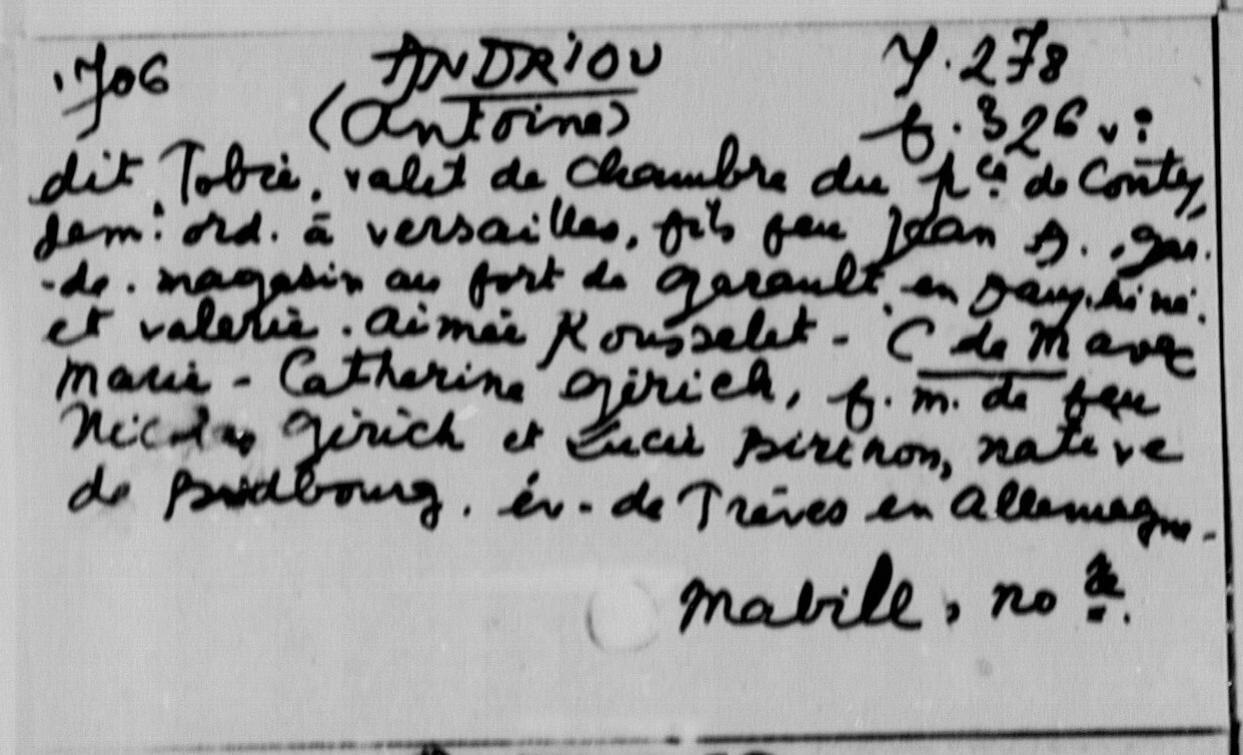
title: ANDRIOU (Antoine dit Tobré)
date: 1706
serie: Y
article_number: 278
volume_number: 326v
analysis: Dit Tobré, valet de chambre du prince de Conty, demeurant ordinairement (?) à Versailles, fils feu Jean ANDRIOU, garde magasin au fort de Gerault en Dauphiné et Valérie Aimée ROUSSELET. Contrat de mariage avec Marie-Catherine GIRICH, fille majeure de feu Nicolas GIRICH et Lucie BIRENON (?), native de Bidbourg, évêché de Trèves, en Allemagne. Mabill (sic), notaire.
